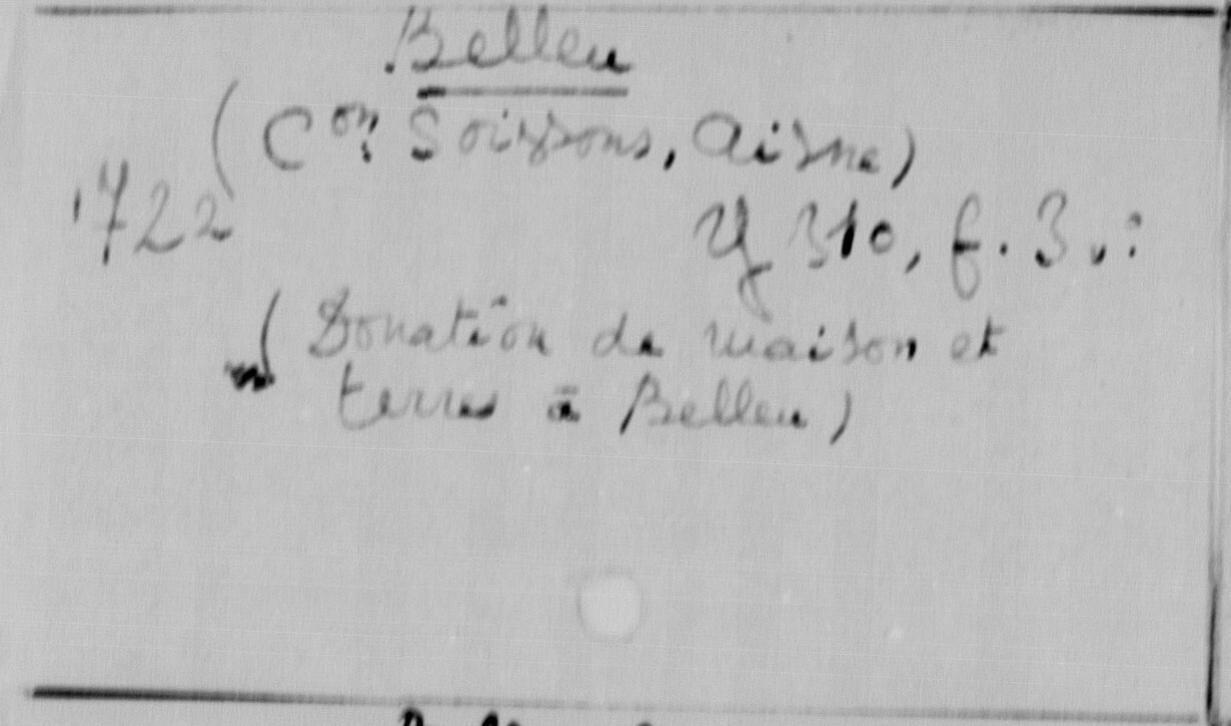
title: Belleu (Canton Soissons, Aisne)
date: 1722
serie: Y
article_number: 310
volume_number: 3v
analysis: (Donation de maison et terres à Belleu)
